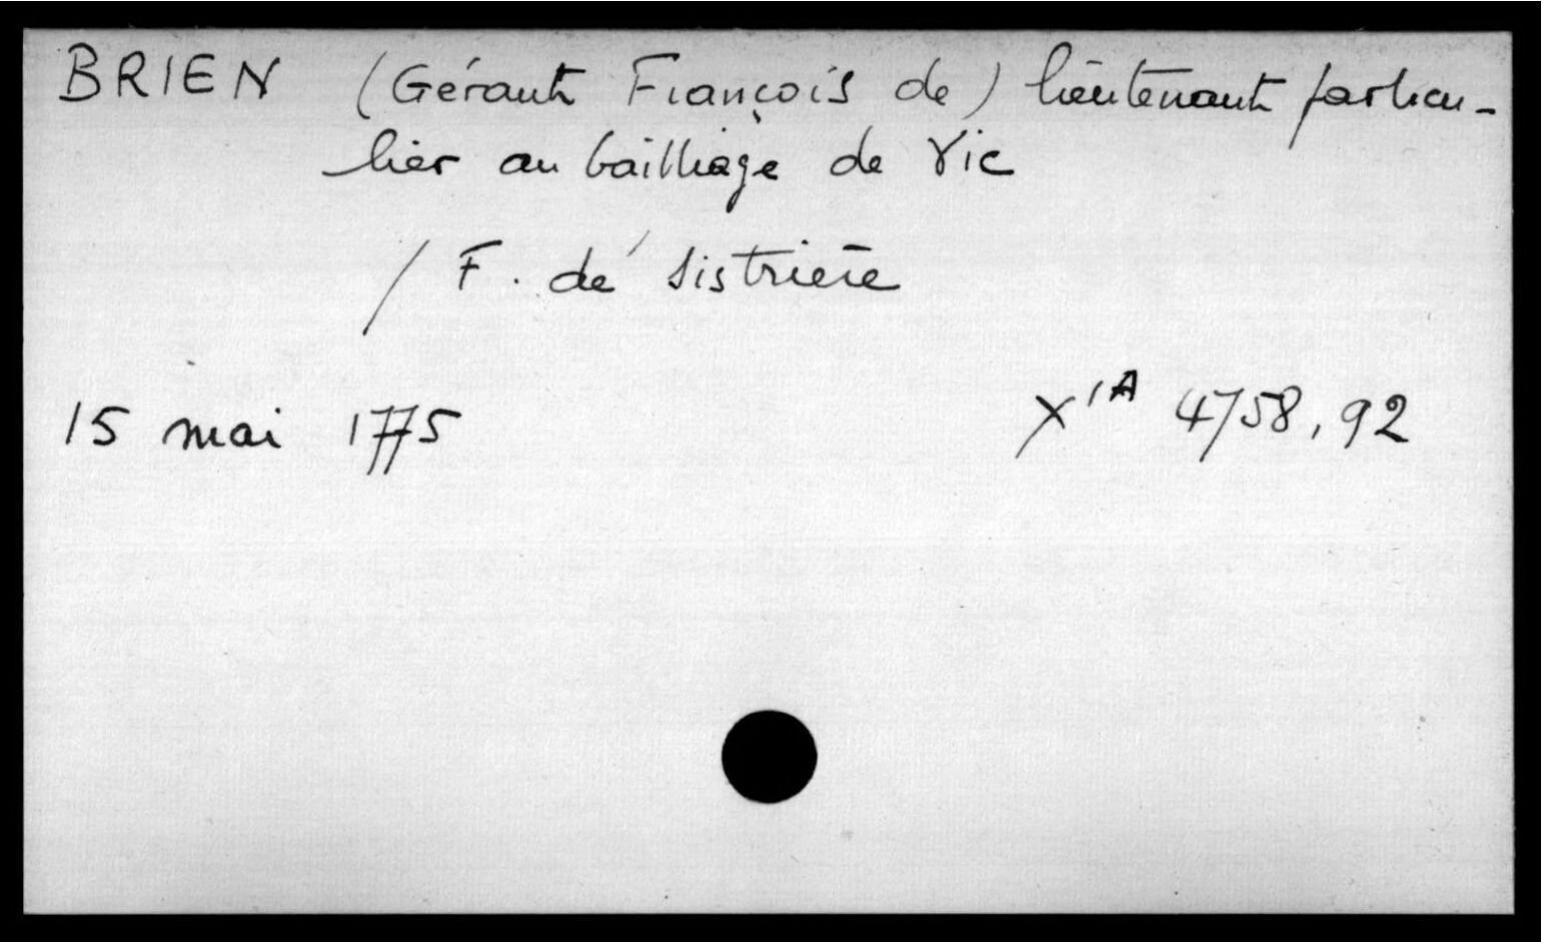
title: BRIEN (Géraut François de) lieutenant particulier au bailliage de Vic
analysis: Contre F. de Sistrière
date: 15 mai 1775
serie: X1A
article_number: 4758
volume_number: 92
